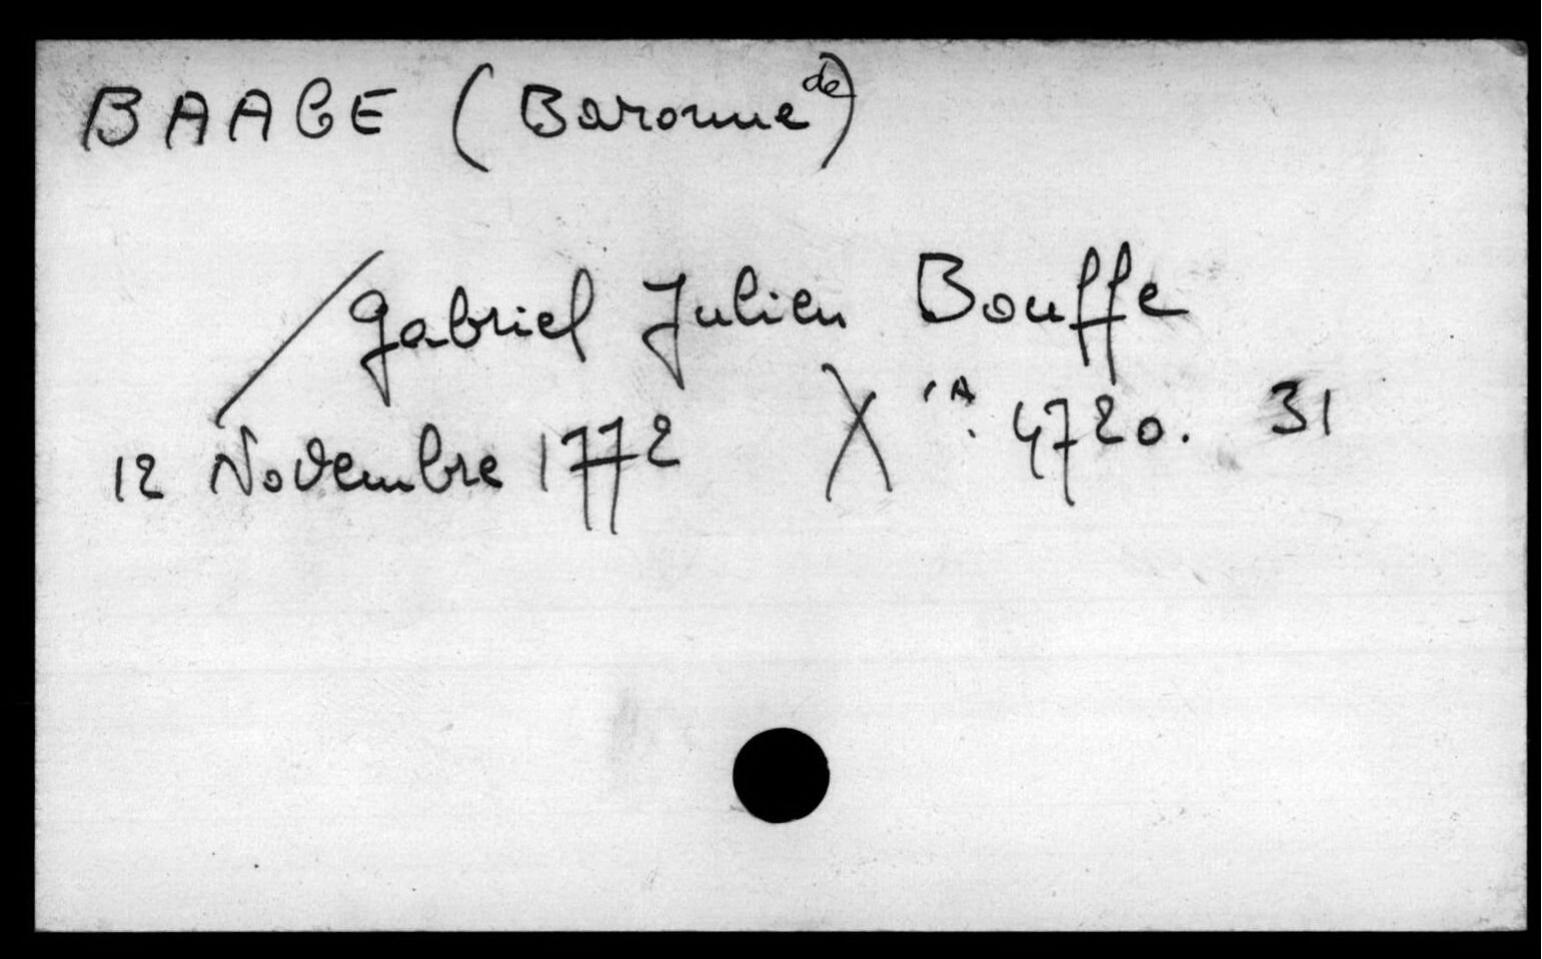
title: BAGE (Baronne de)
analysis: Contre Gabriel Julien Bouffe
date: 12 novembre 1772
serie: X1A
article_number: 4720
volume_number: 31
